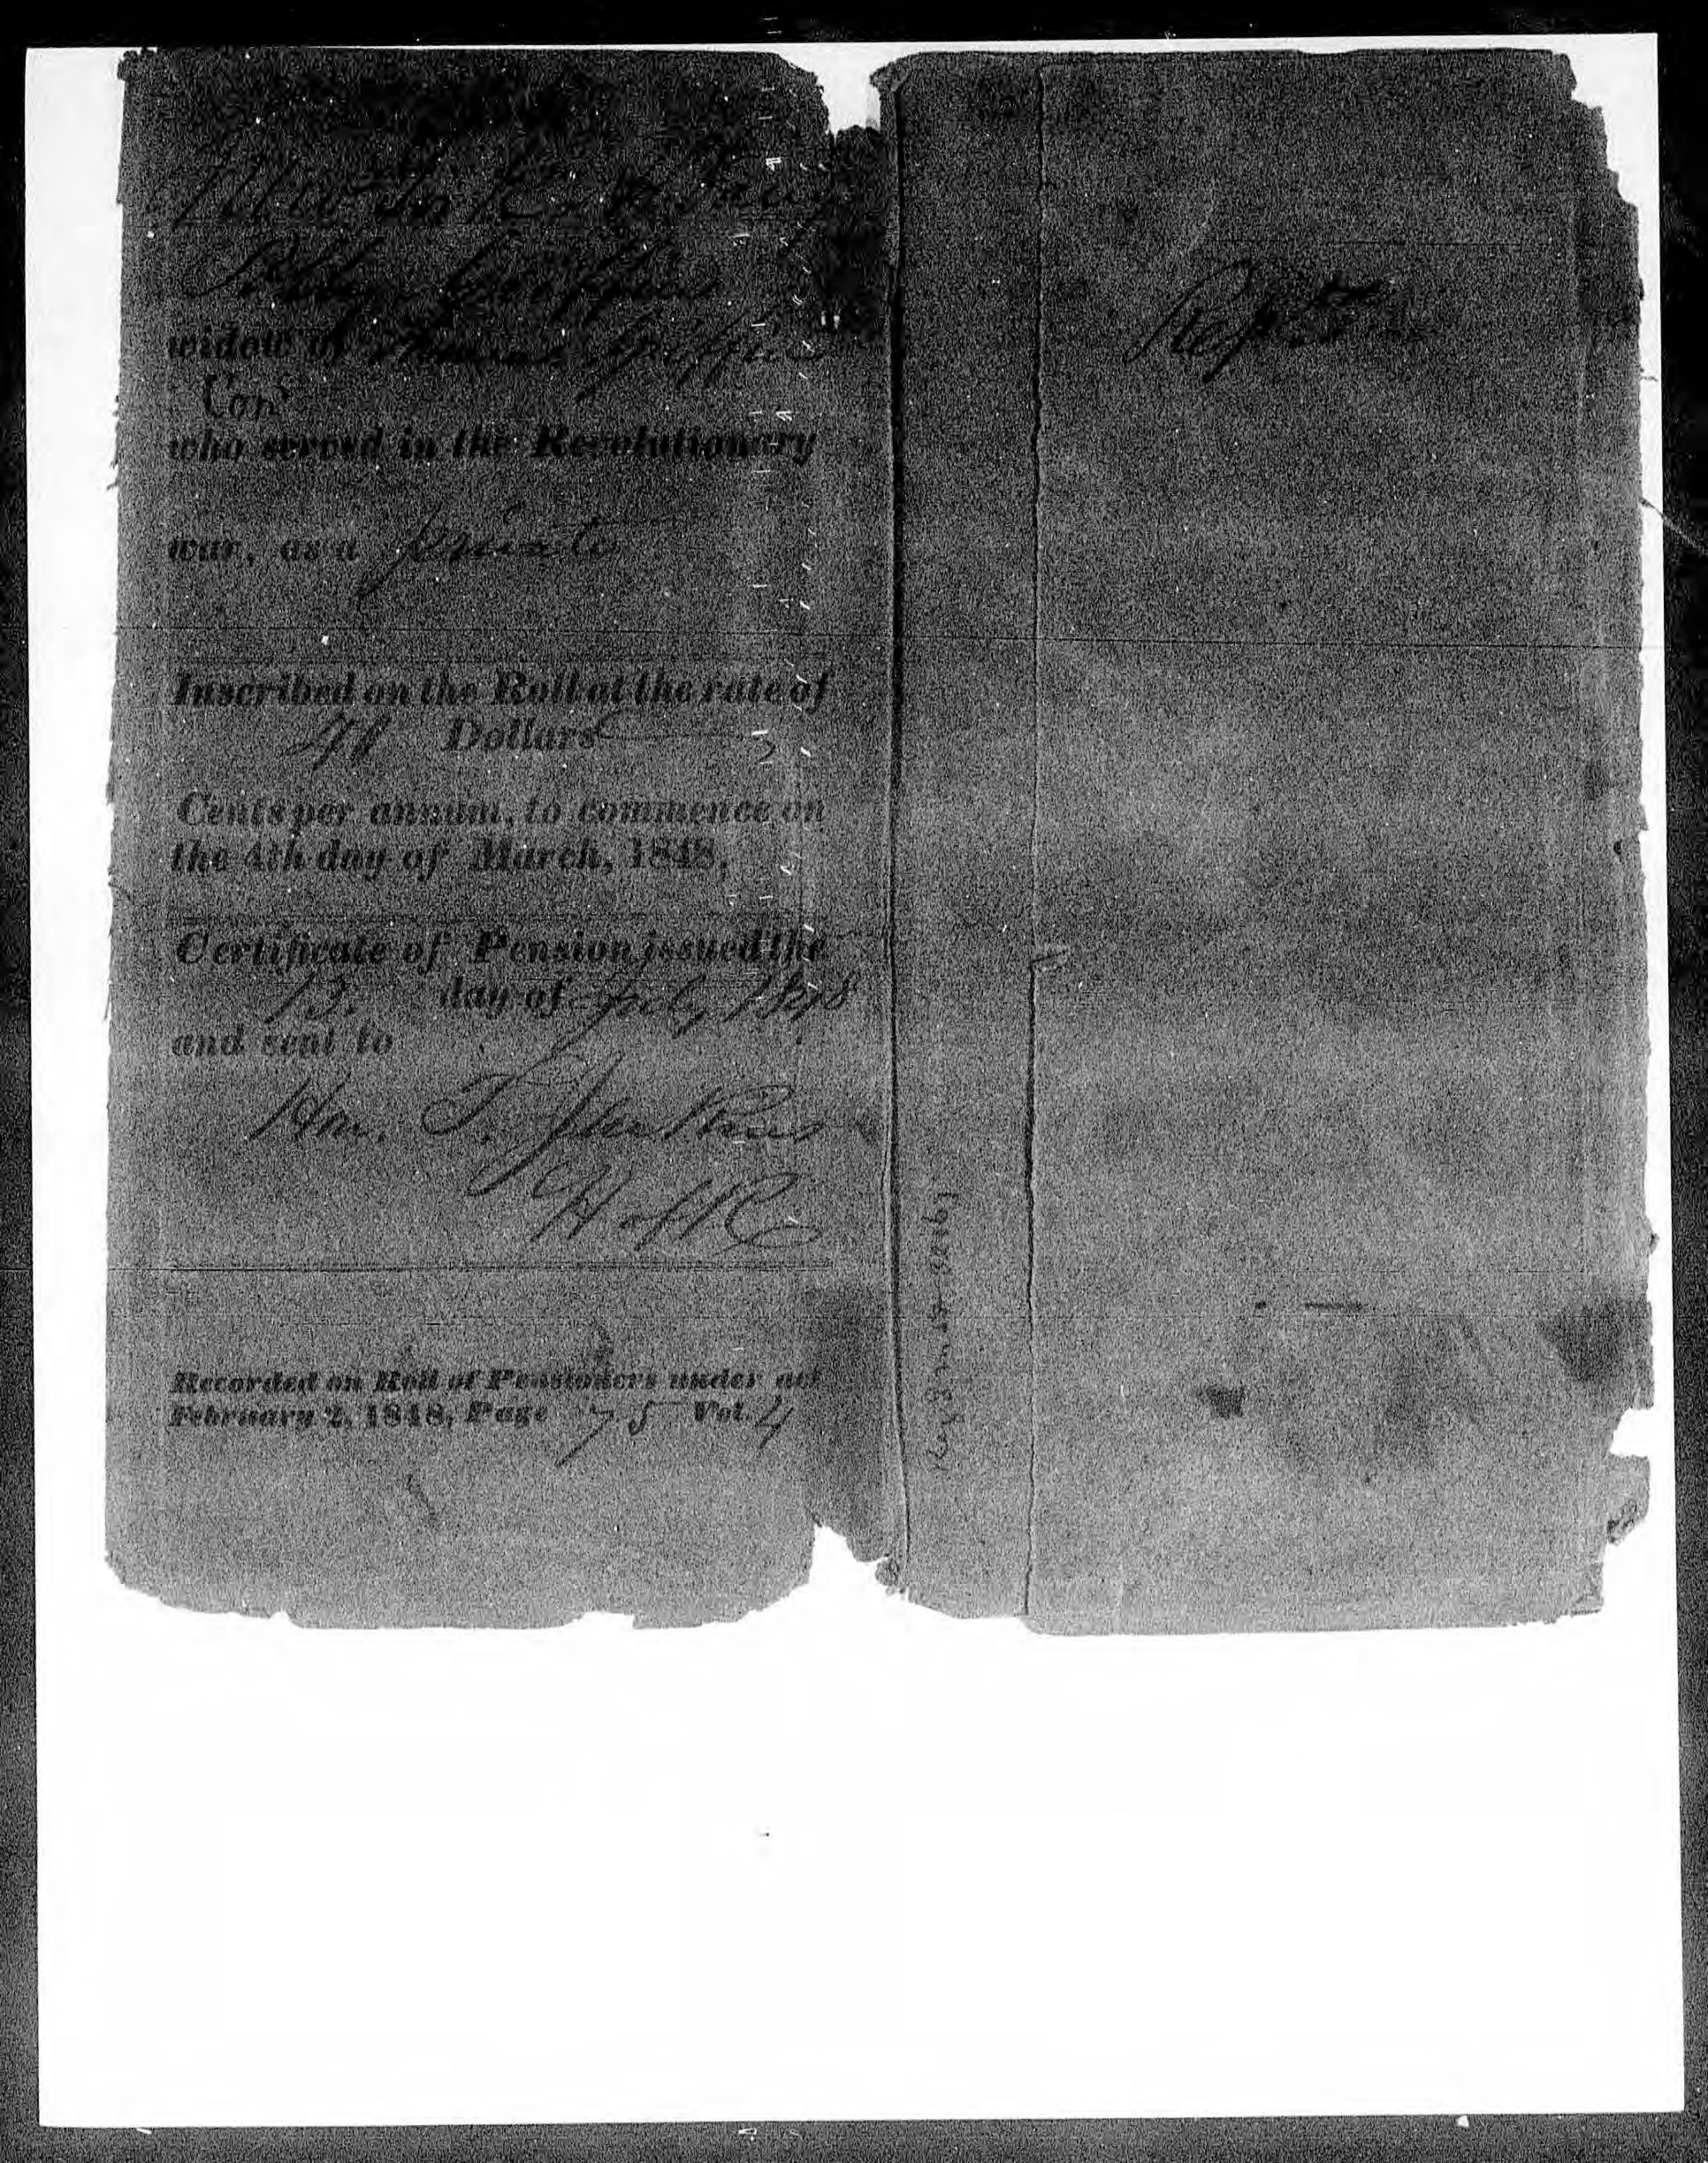[illegible]
Polly Griffin
widow of Thomas Griffin
Con
who served in the Revolutionary War as a private
Inscribed on the Roll at the rate of 
40 Dollars. ---
Cents per annum, to commence on 
the 4th day of March, 1848.  ||
Certificate of Pension issued the
13 day of July 1848
and sent to 
Hon. [illegible]
H of R. ||
Recorded on Roll of Pensioners under act February 2, 1848, Page 75 Vol. 4
Repts

Reg 47-32167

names: Polly Griffin, T Jenkins, Thomas Griffin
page: 2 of 60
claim: widow's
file: W. 19,537, Thomas Griffin, Conn.